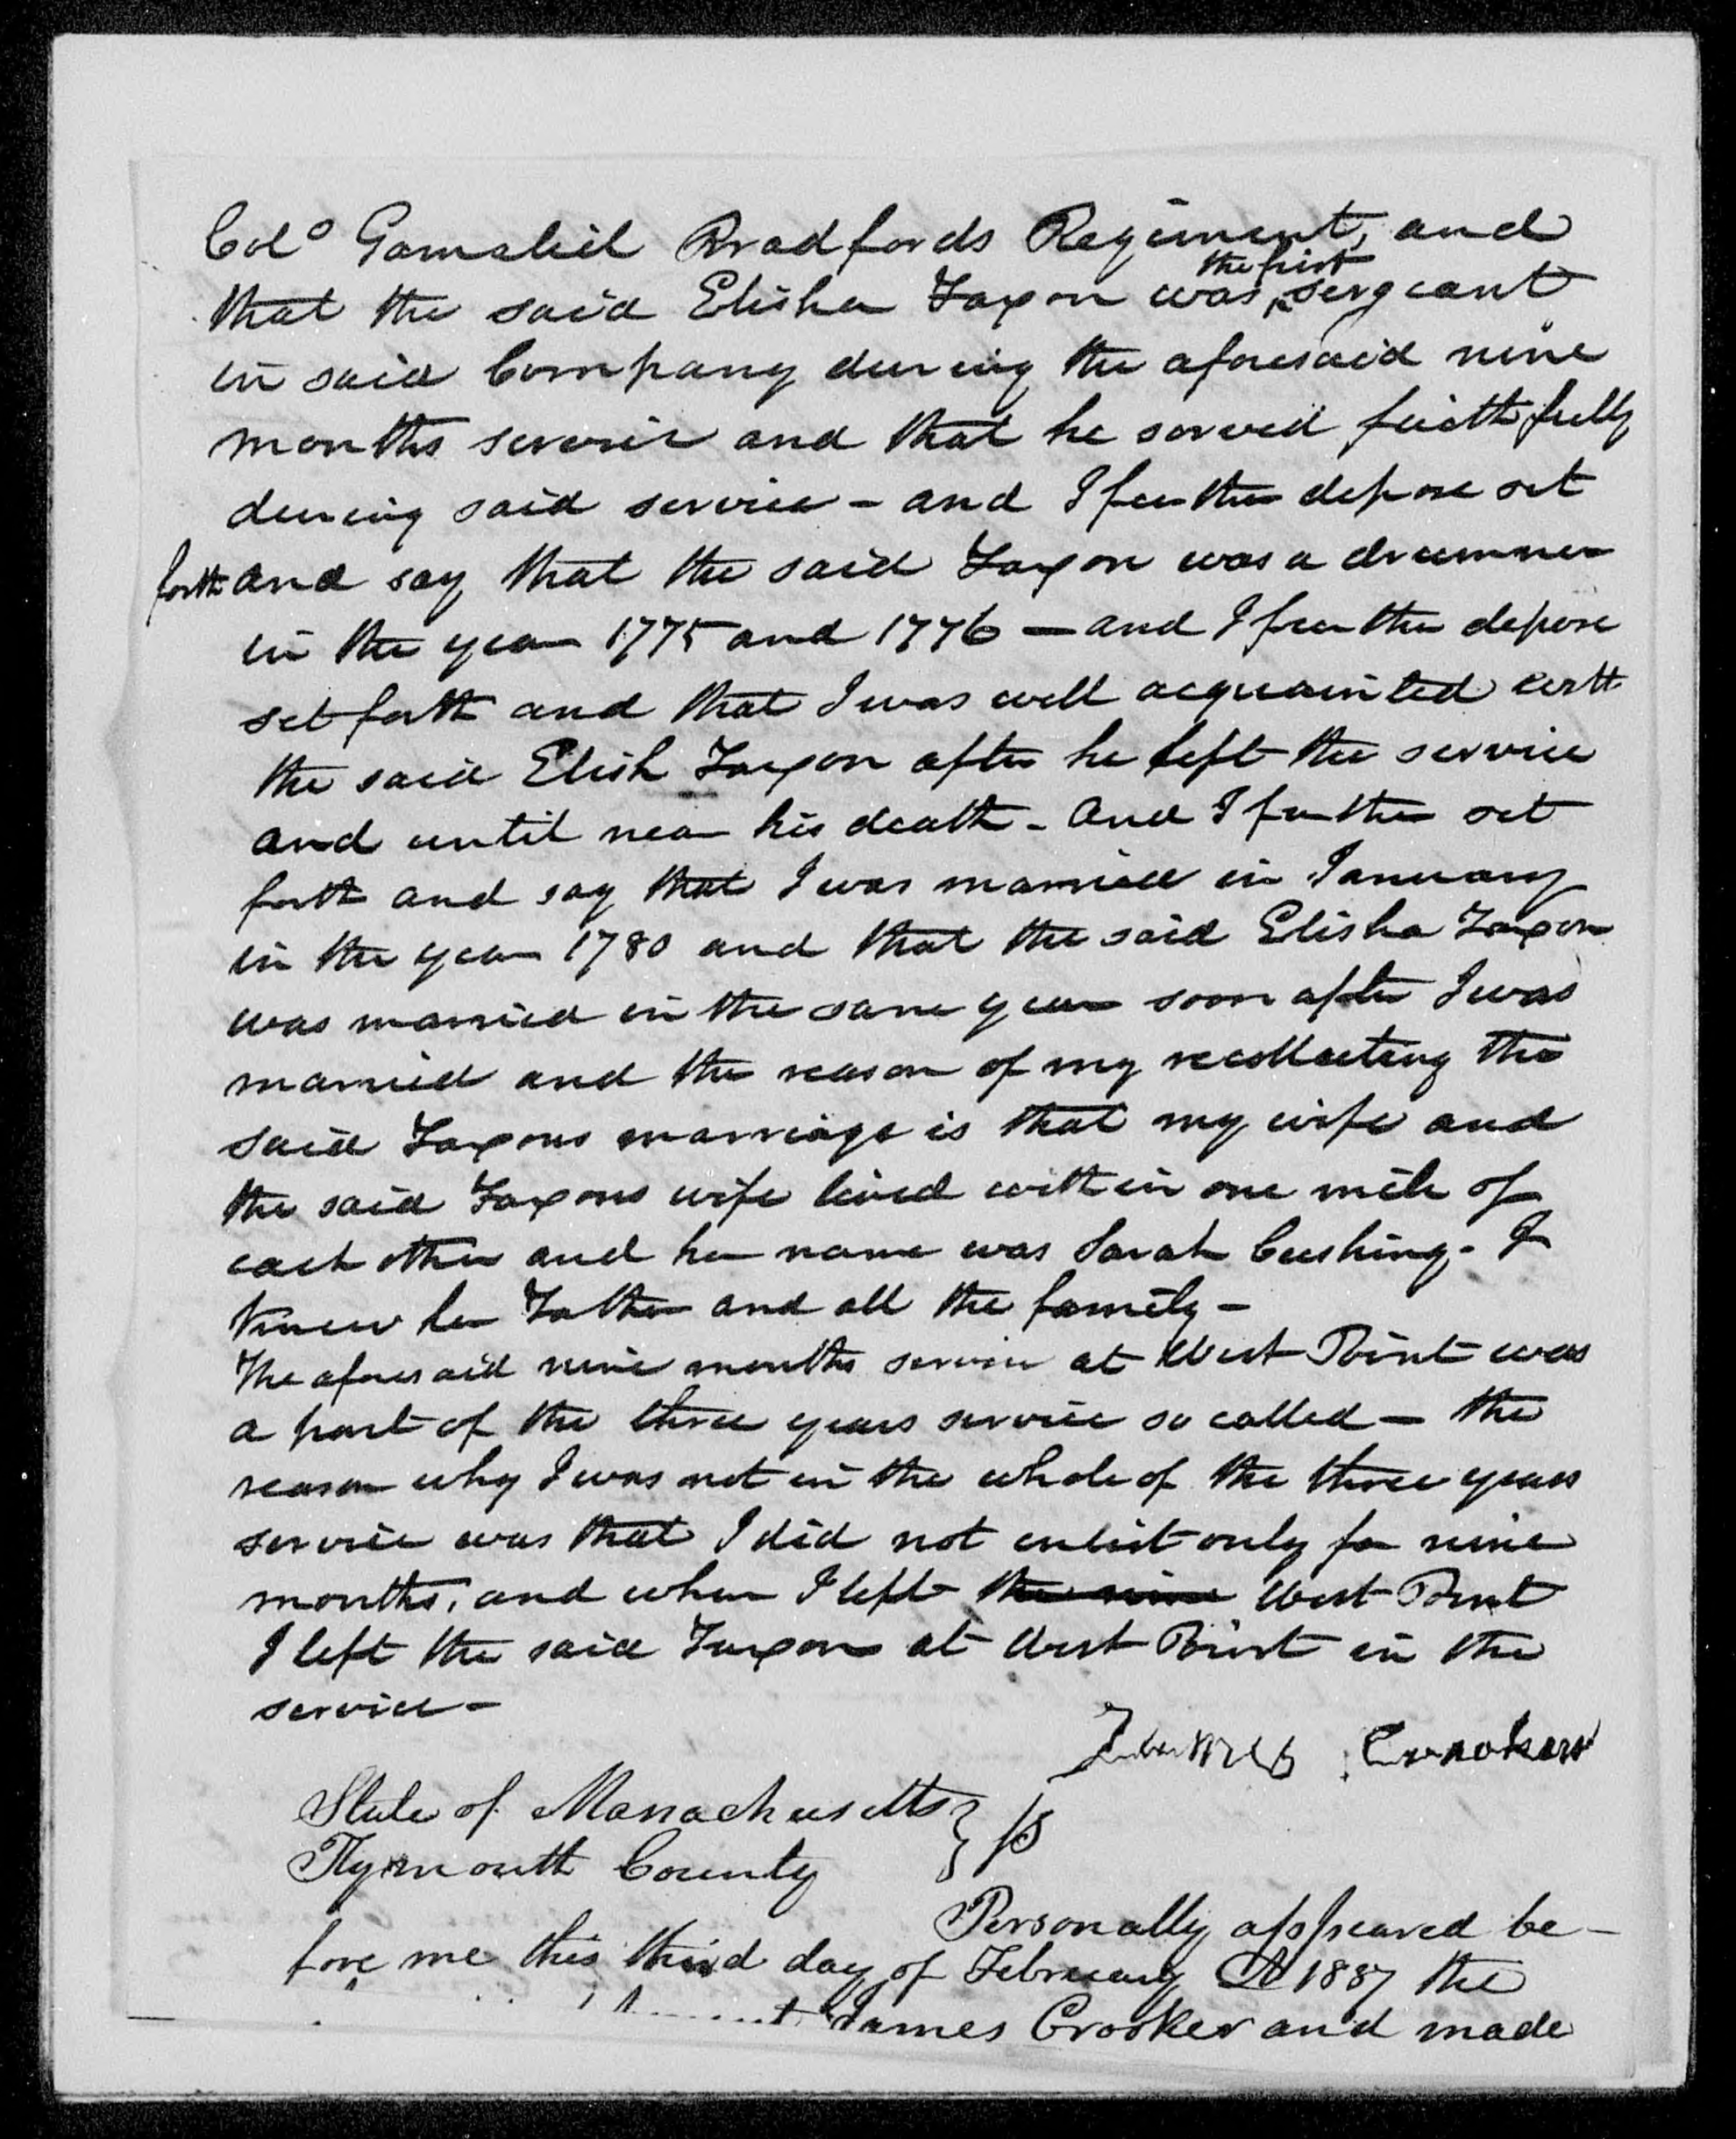Colonel (Illegible) Bradford's Regiment, and that the said Elisha Faxon was the first sergeant insaid company during the aforesaid nine months service and that he served faithfully during said service - and I further depose set forth and say that the said Faxon was a (illegible) in the year 1775 and 1776 and I further define set forth and that I was well acquainted with the said Elisha Faxon after he left the service and until near his death and I further set forth and say that I was married in January in the year 1780 and that the said Elisha Faxon was married in the same year soon after I was married and the reason of my recollecting this said Faxon marriage is that my wife the said Faxon wife lived within one mile of each other and her name was Sarah Cushing. I know her father and all the family. The aforesaid nine months service at West Point was a part of the three years service so called - the reason why I was not in the whole of the three years service was that I did not enlist only for nine months and when I left West Point I left the said Faxon at West Point in the service.
James Crooker
State of Massachusetts
Plymouth County
Personally appears before me this said day of February 1887 the (illegible) James Crooker and made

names: Elisha Faxon, Faxon, James Crooker, Sarah Cushing, Elisha Faxon, James Crooker, Faxon, Faxon, Faxon, Elish Faxon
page: 40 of 47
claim: widow's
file: W. 14703, Elisha Faxon, Mass